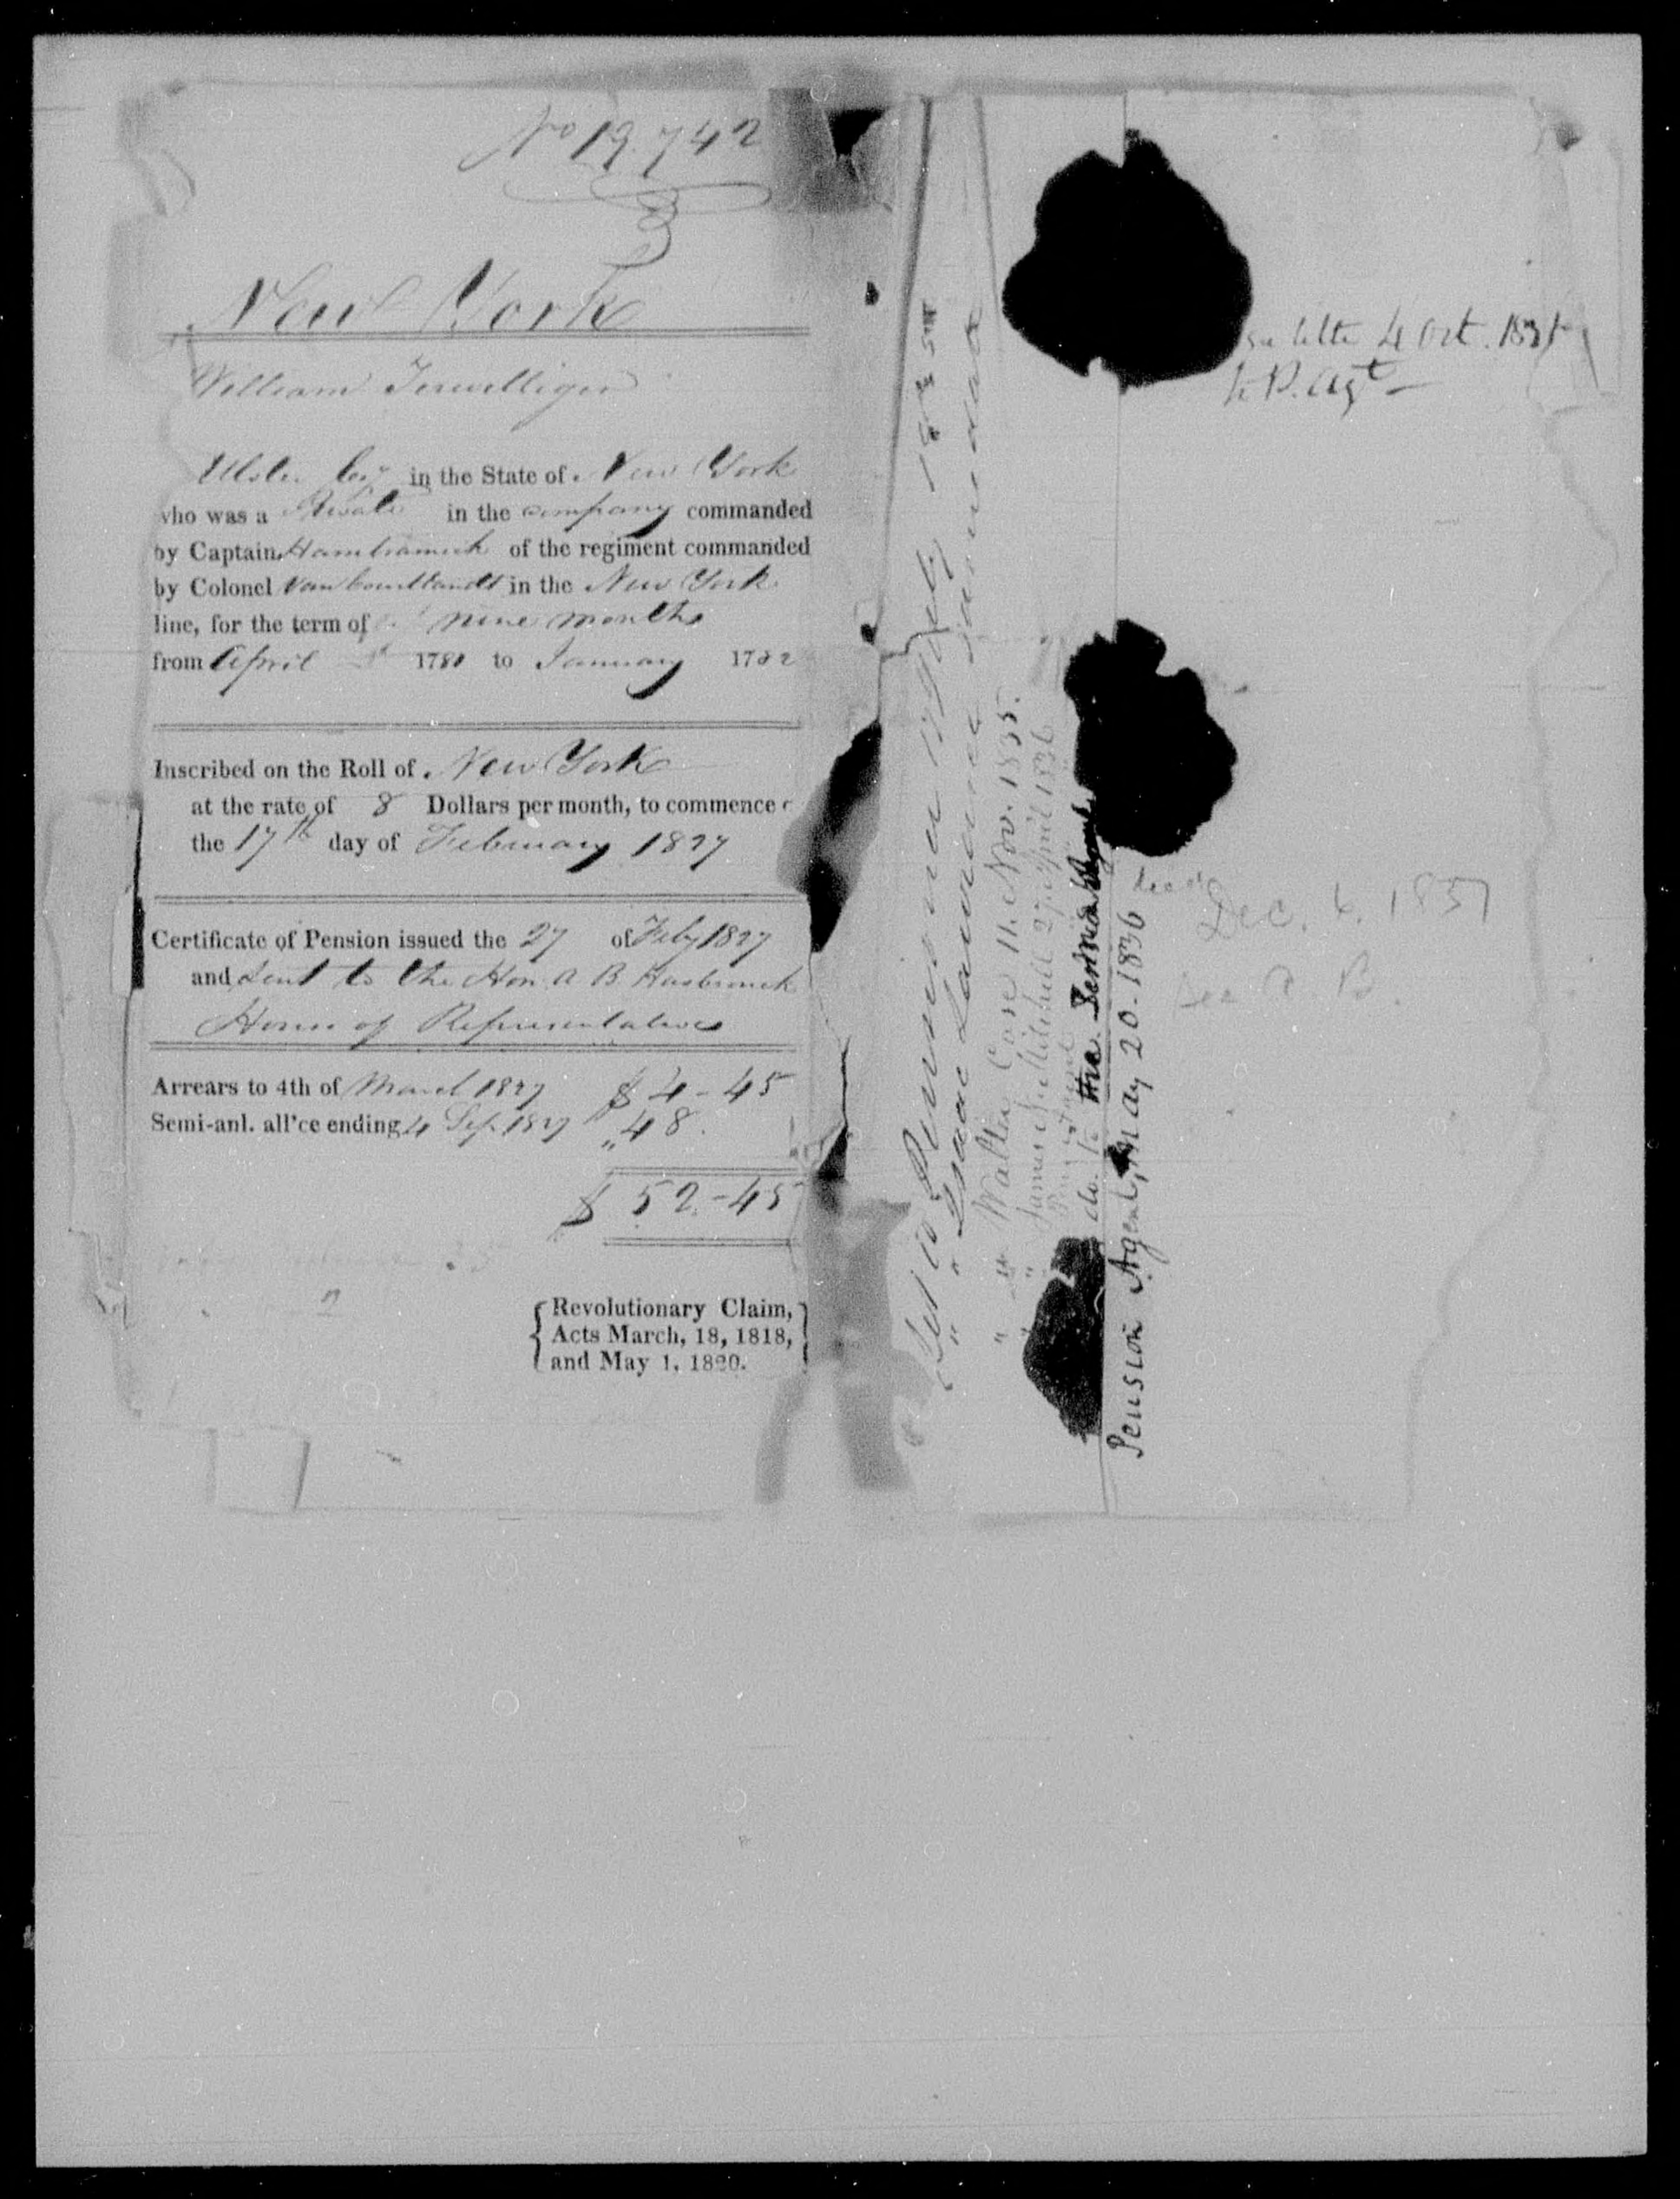No 19.742

New York
William Terwilliger
Ulster Co in the State of New York
who was a Private in the company commanded
by Captain Hambramick of the regiment commanded
by Colonel Van Cortland in the New York
line, for the term of nine months
April 1781 to January 1782
Inscribed on the Roll of New York
at the rate of 8 Dollars per month, to commence
the 17th day of February 1827
Certificate of Pension issued the 27 of Feby 1827
and sent to the Hon A. B. Hasbronck
House of Representatives
Arrears to 4th of March 1827  $4-4 5
Semi-anl. all'ce ending 4 Sep 1827  48
$52-45
Revolutionary Claim,
Acts March, 18, 1818,
and May 1, 1820.

[column 2]
[illegible]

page: 2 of 64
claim: survivor's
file: S. 42,464, for William Terwilliger, New York